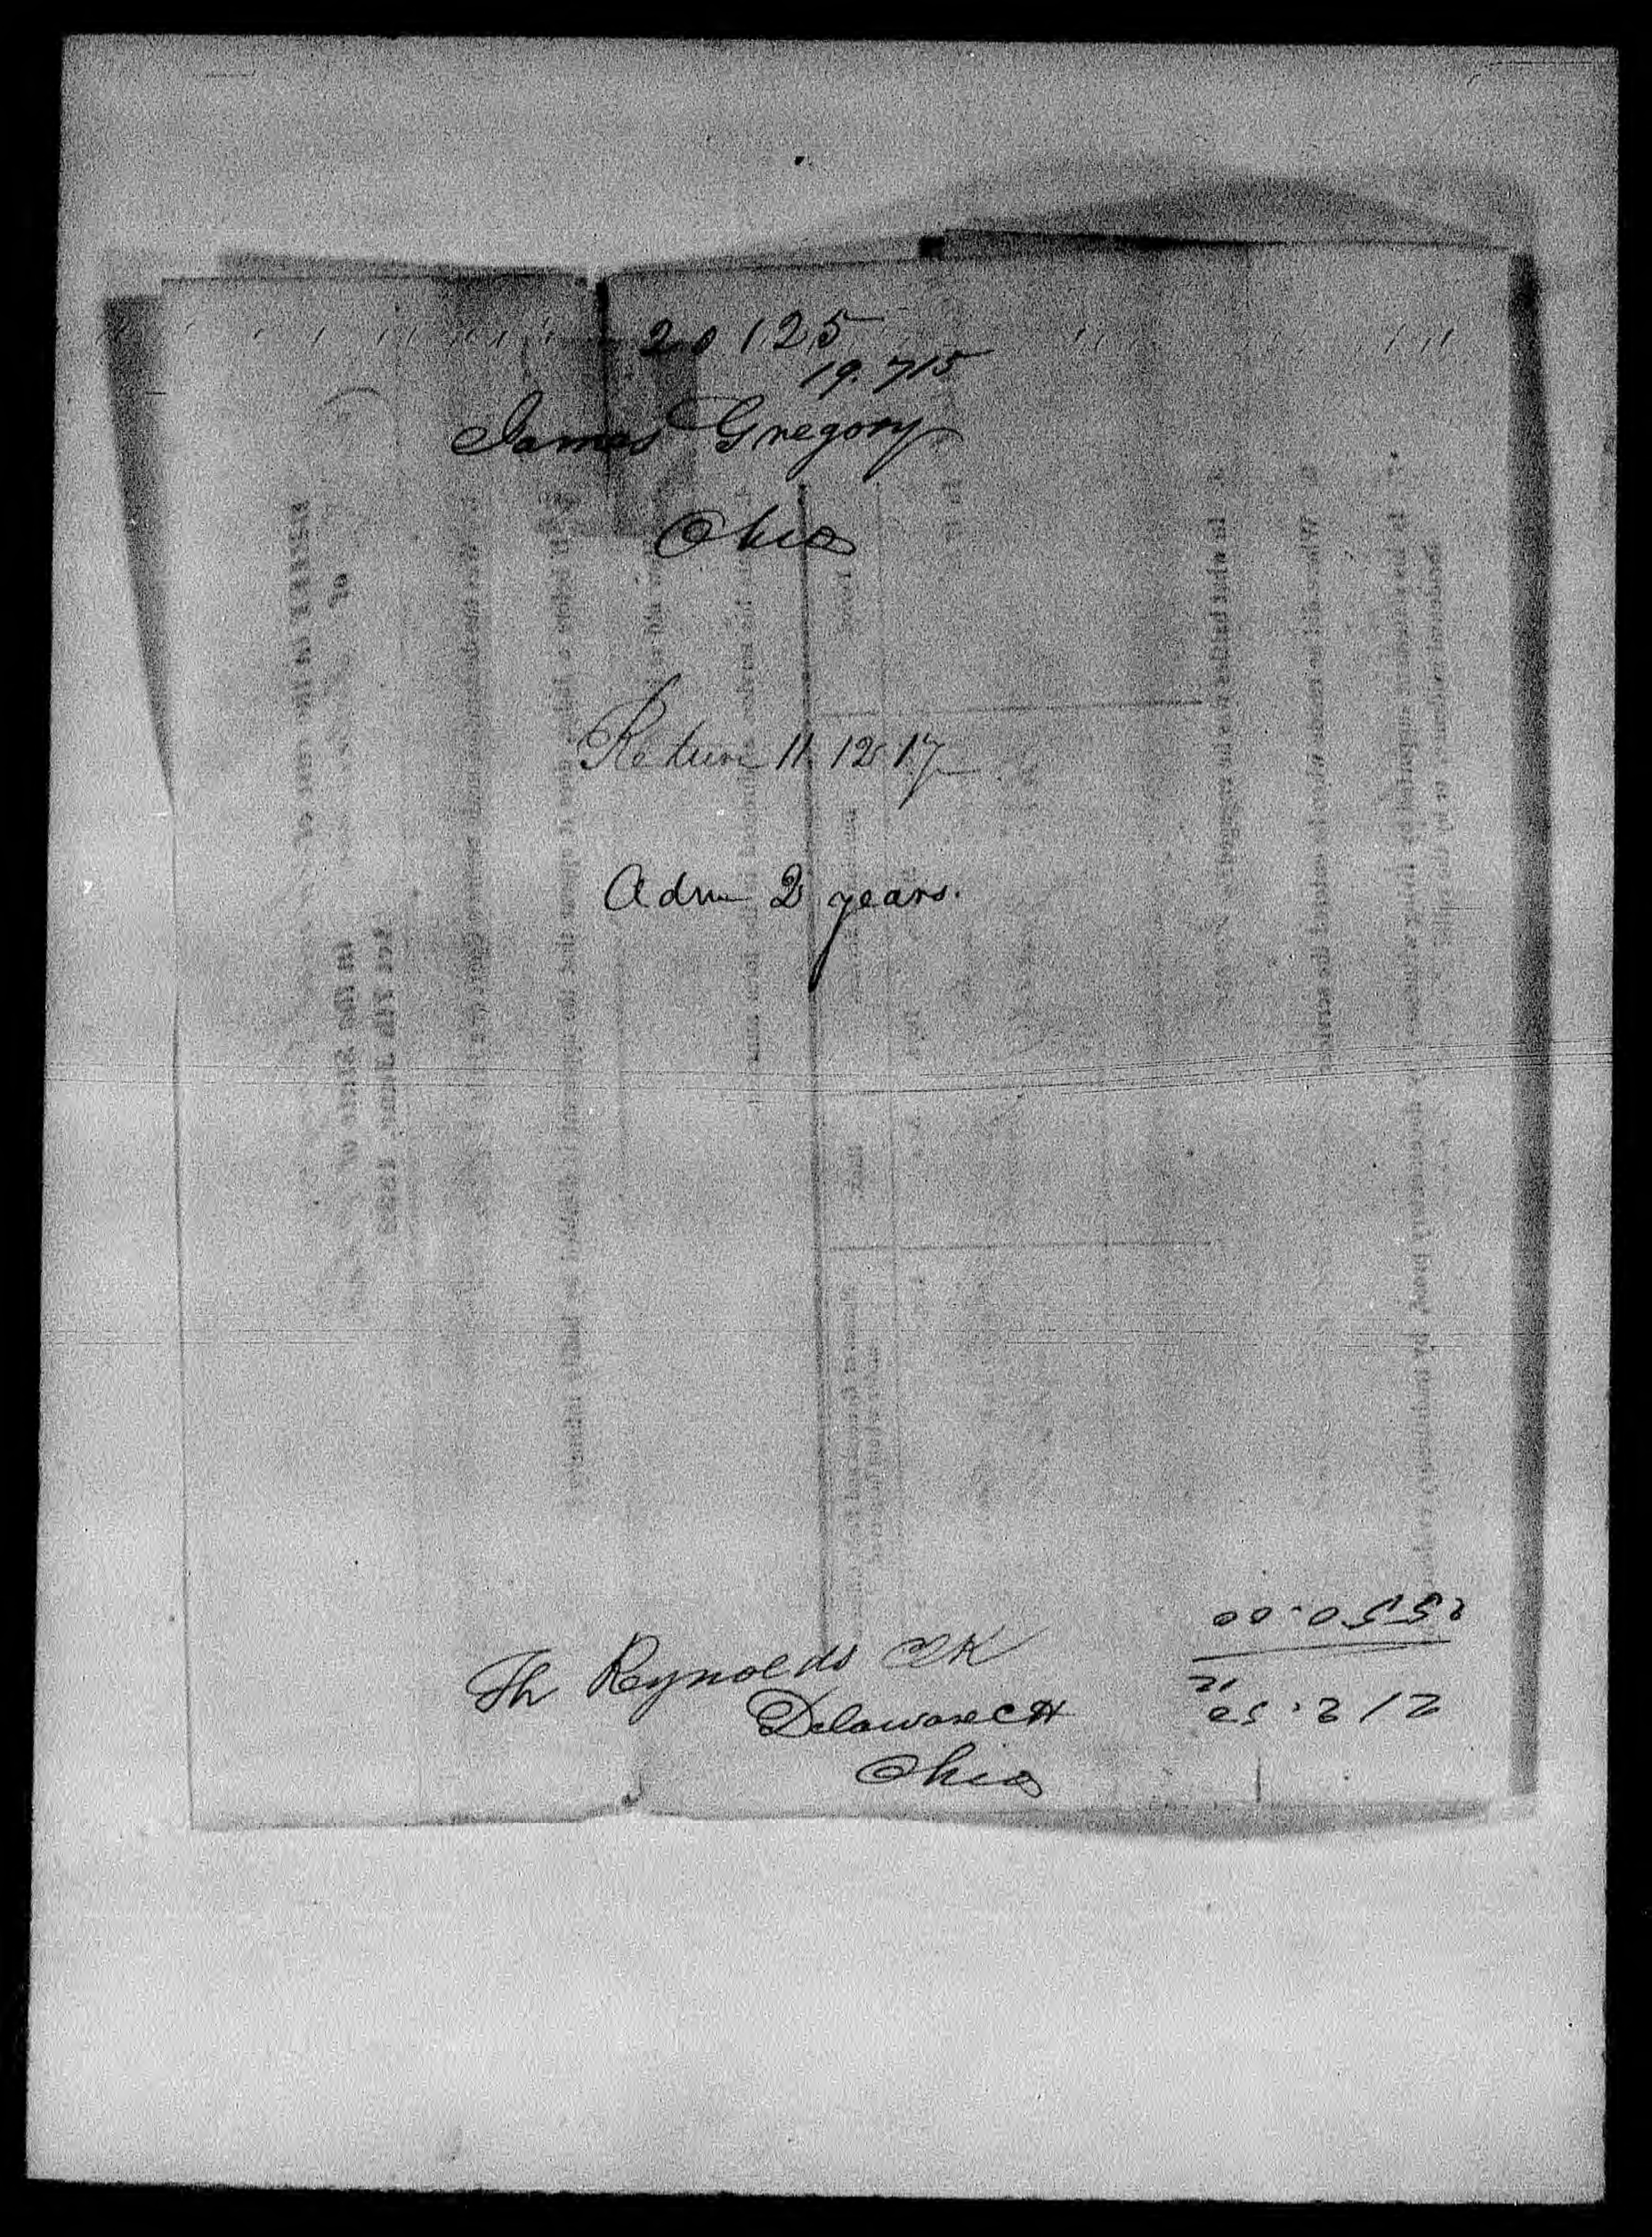20125
19715
James Gregory
Ohio

Return 11 12 17

Adm 2 years

The Reynolds clk
Delaware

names: James Gregory, Th Reynolds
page: 10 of 27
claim: survivor's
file: S. 17445, James Gregory, Conn.